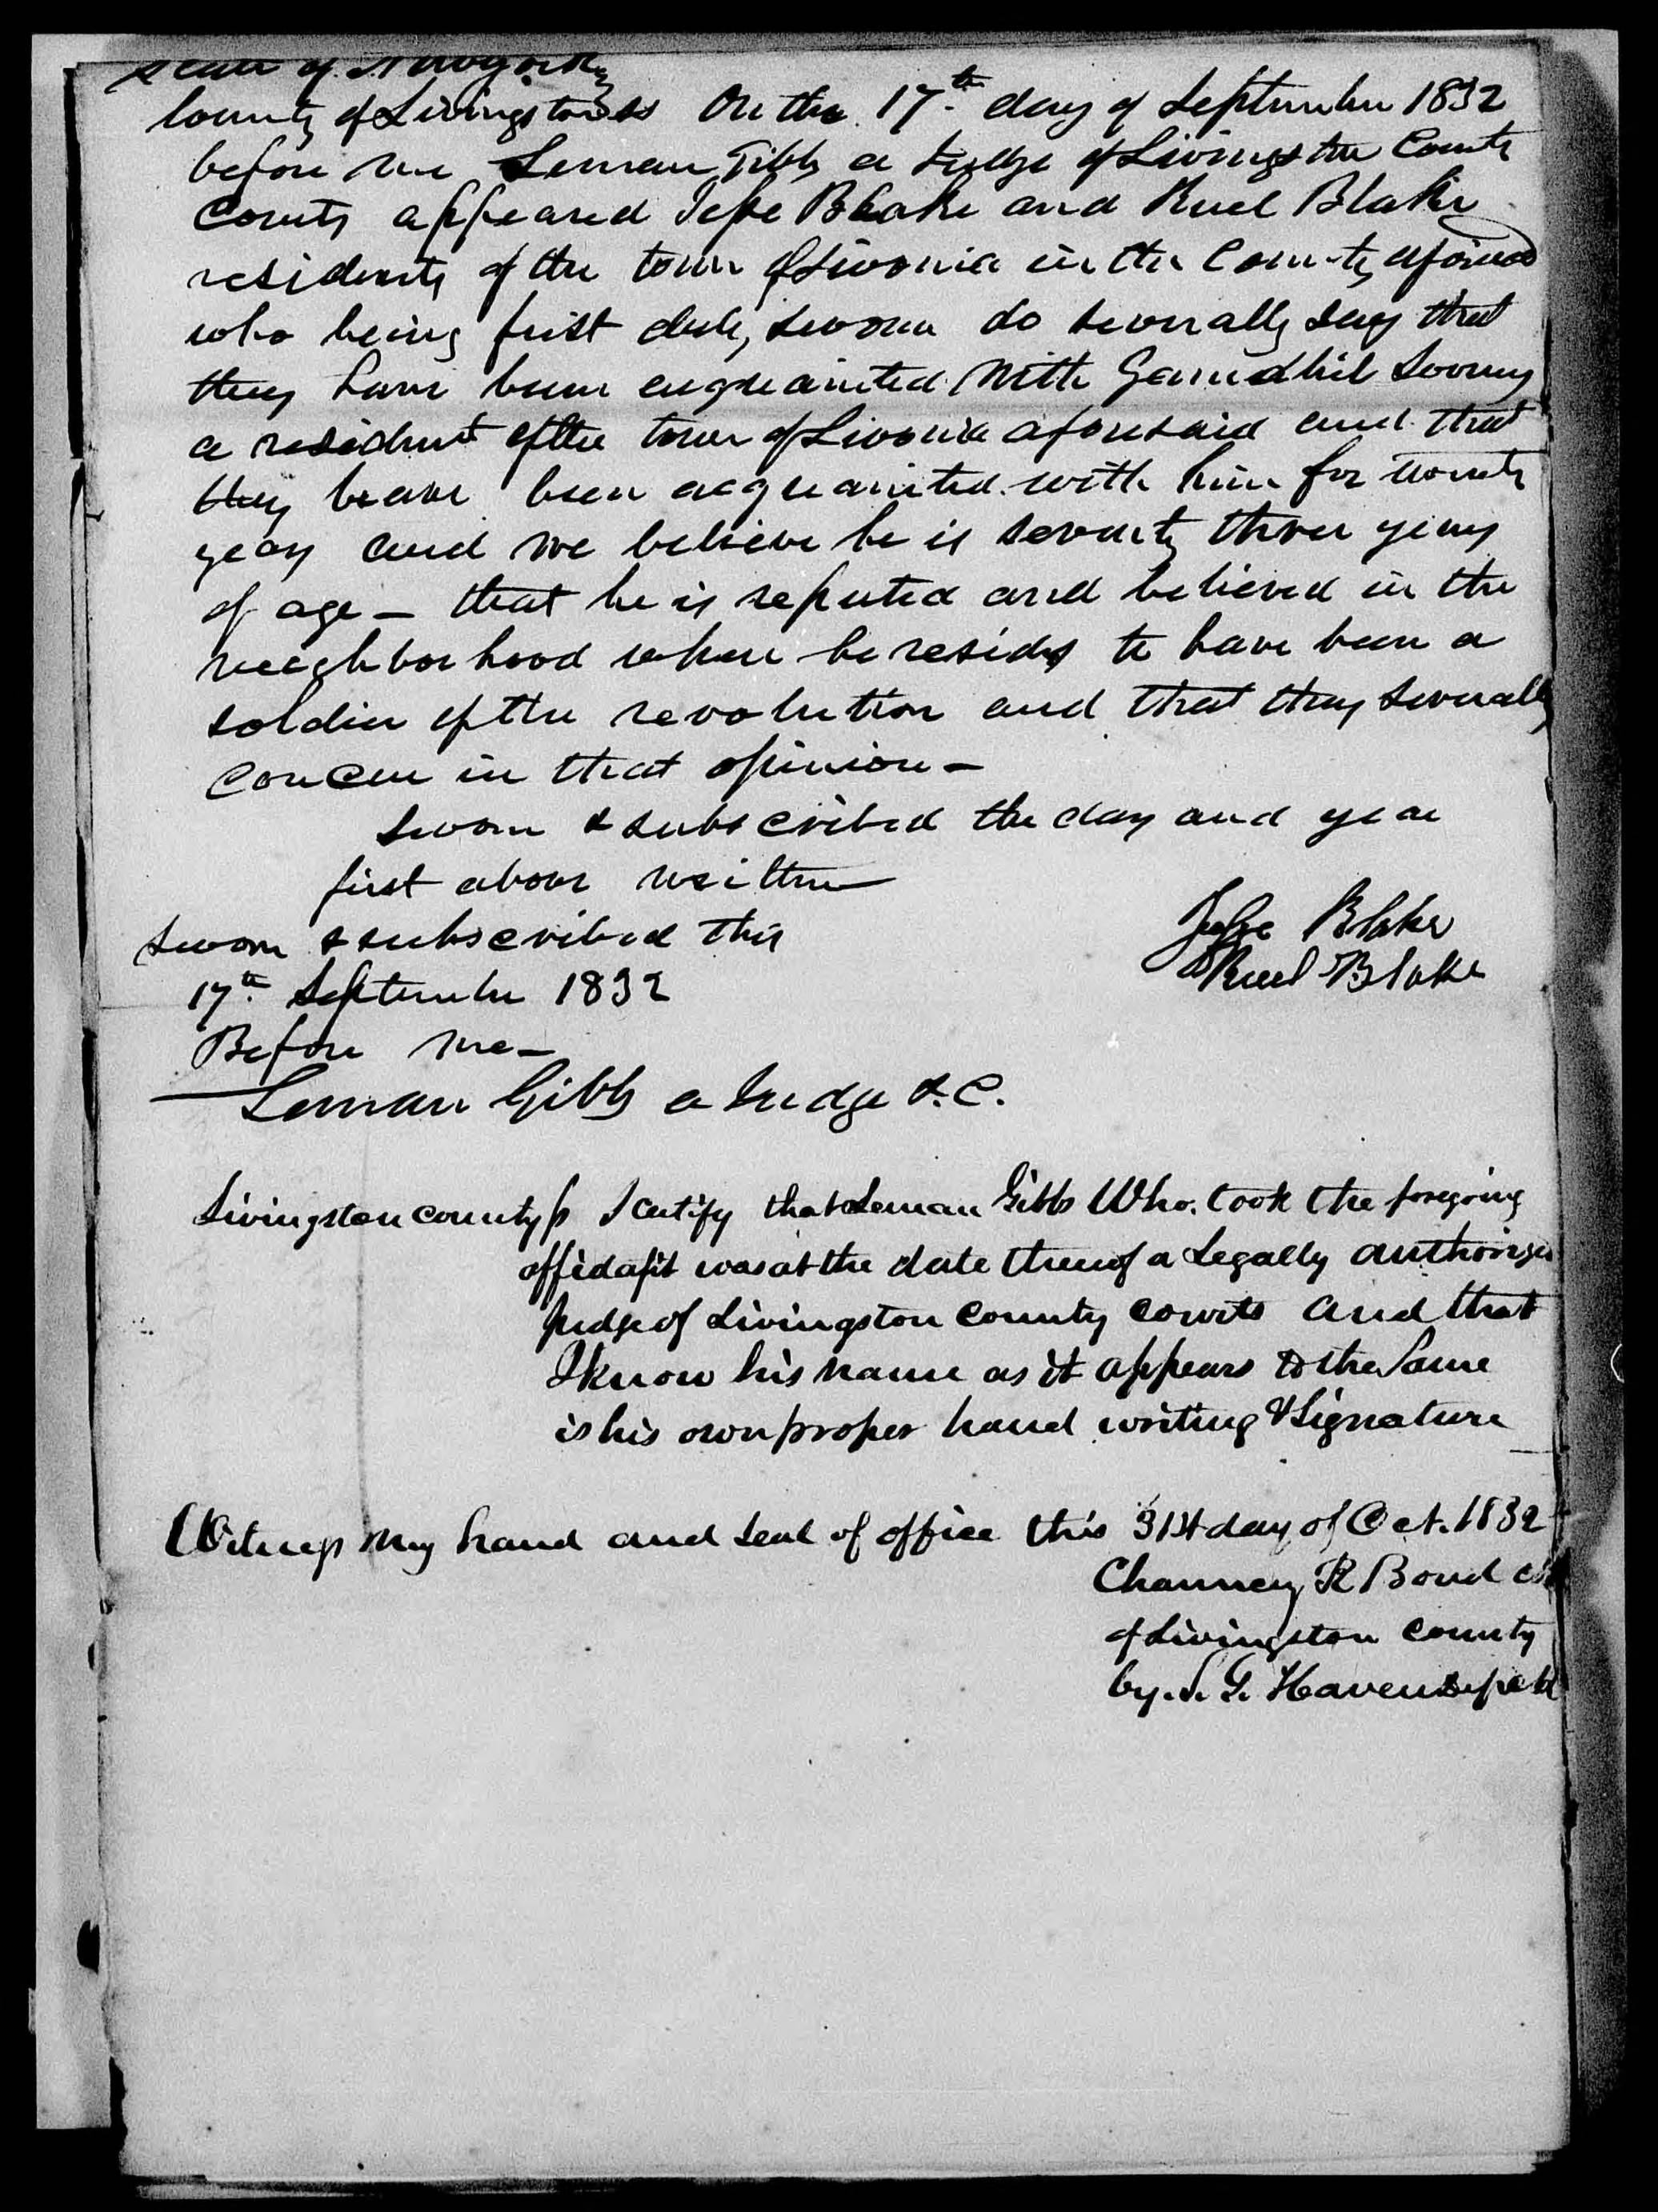State of New York
County of Livingston SS
On the 17th day of September 1832 before me Leman Gibbs a Judge of Livingston County Courts appeared Jesse Blake and Ruel Blake residents of the town of Livonia in the County aforesaid who being first duly sworn do severally say that they have been acquainted with Gamaliel Loomis a resident of the town of Livonia aforesaid and that they have been acquainted with him for twenty years and we believe he is seventy three years of age - that he is reputed and believed in the neighborhood where he resides to have been a soldier of the revolution and that they severally concur in that opinion - 
Sworn & subscribed the day and year first above written 
Jesse Blake
Ruel Blake
Sworn & subscribed this 17th September 1832 
Before me
Leman Gibbs a Judge P.C.

Livingston County SS
I certify that Leman Gibbs who took the foregoing affidavit was at the date thereof a legally authorized Judge of Livingston County Courts and that I know his name as it appears to the Law is his own proper hand writing & signature
Witness my hand and seal of office this 31st day of Oct. 1832
Chauncey R Bond clerk of Livingston County
by S.G. Haven Dept. Clk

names: Gamaliel Loomis; Leman Gibbs; Chauncey R Bond; S G Haven; Ruel Blake; Jesse Blake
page: 10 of 21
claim: rejected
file: R. 6444, for Gamaliel Loomis, Connecticut